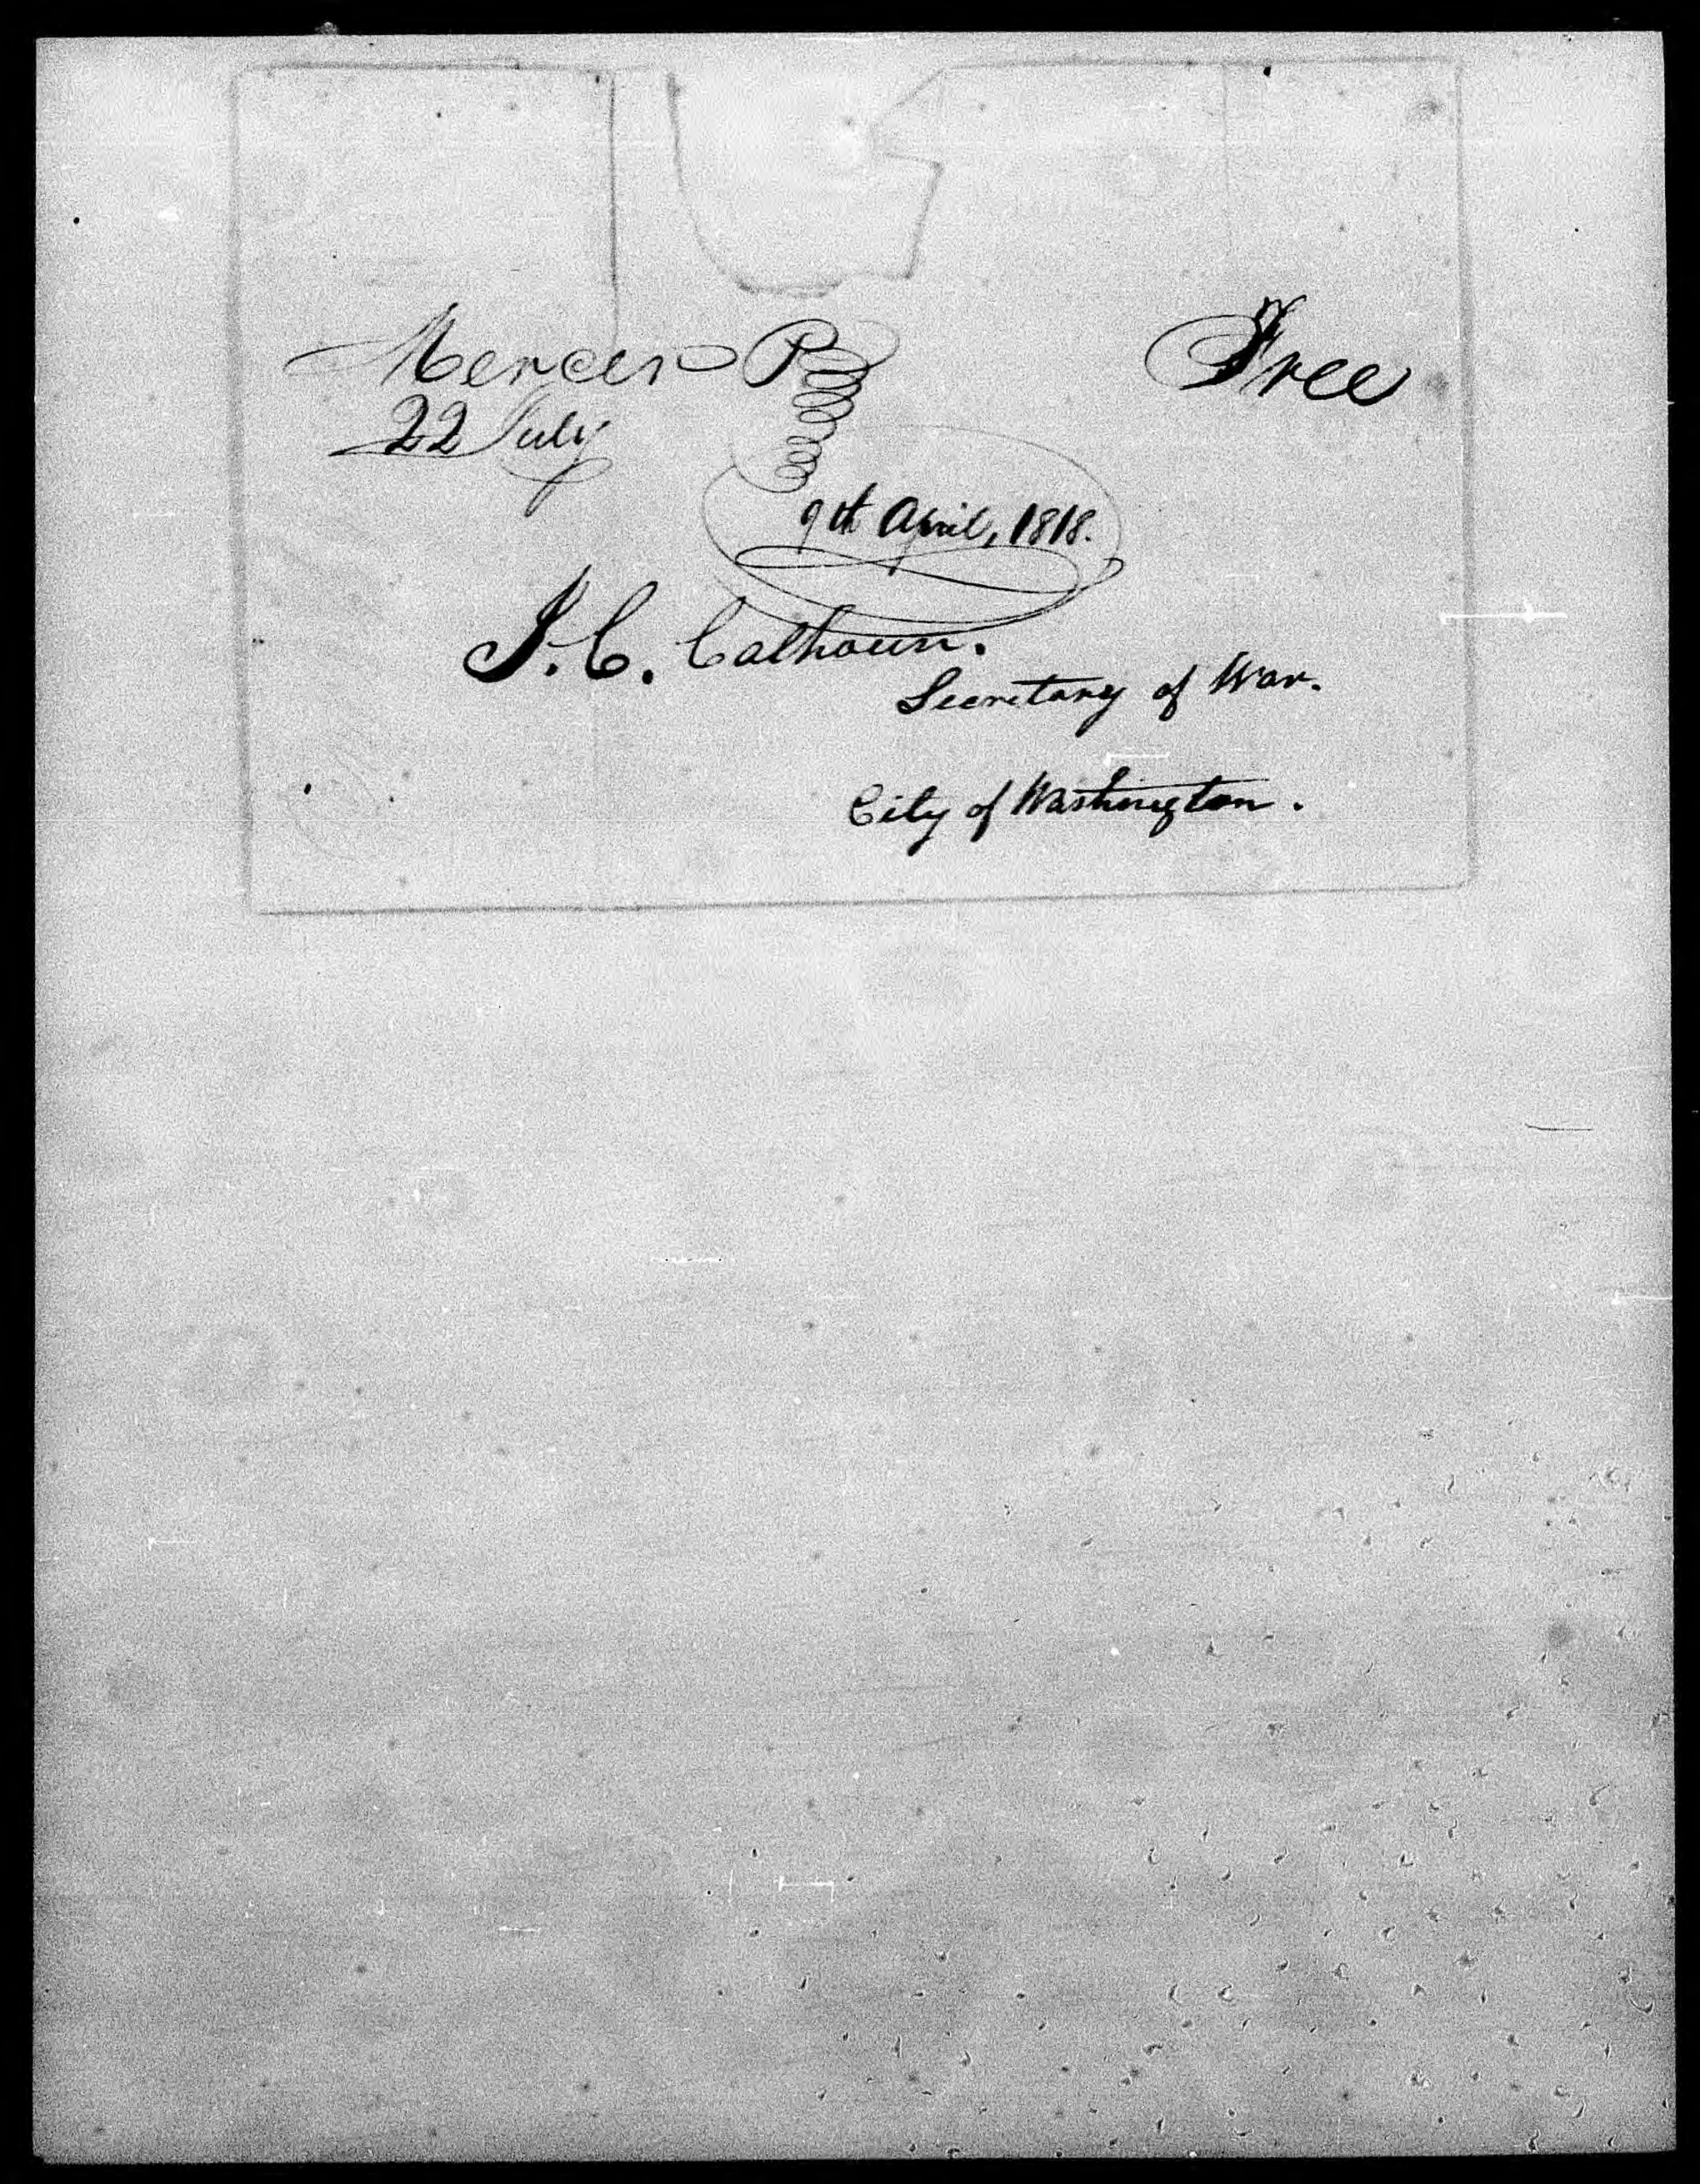Mercer P  Free
22 July
9th April, 1818
J. L. Calhoun 
Secretary of War,
City of Washington.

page: 4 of 59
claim: widow's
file: W 3703, for Robert Mc Donald, Pennsylvania